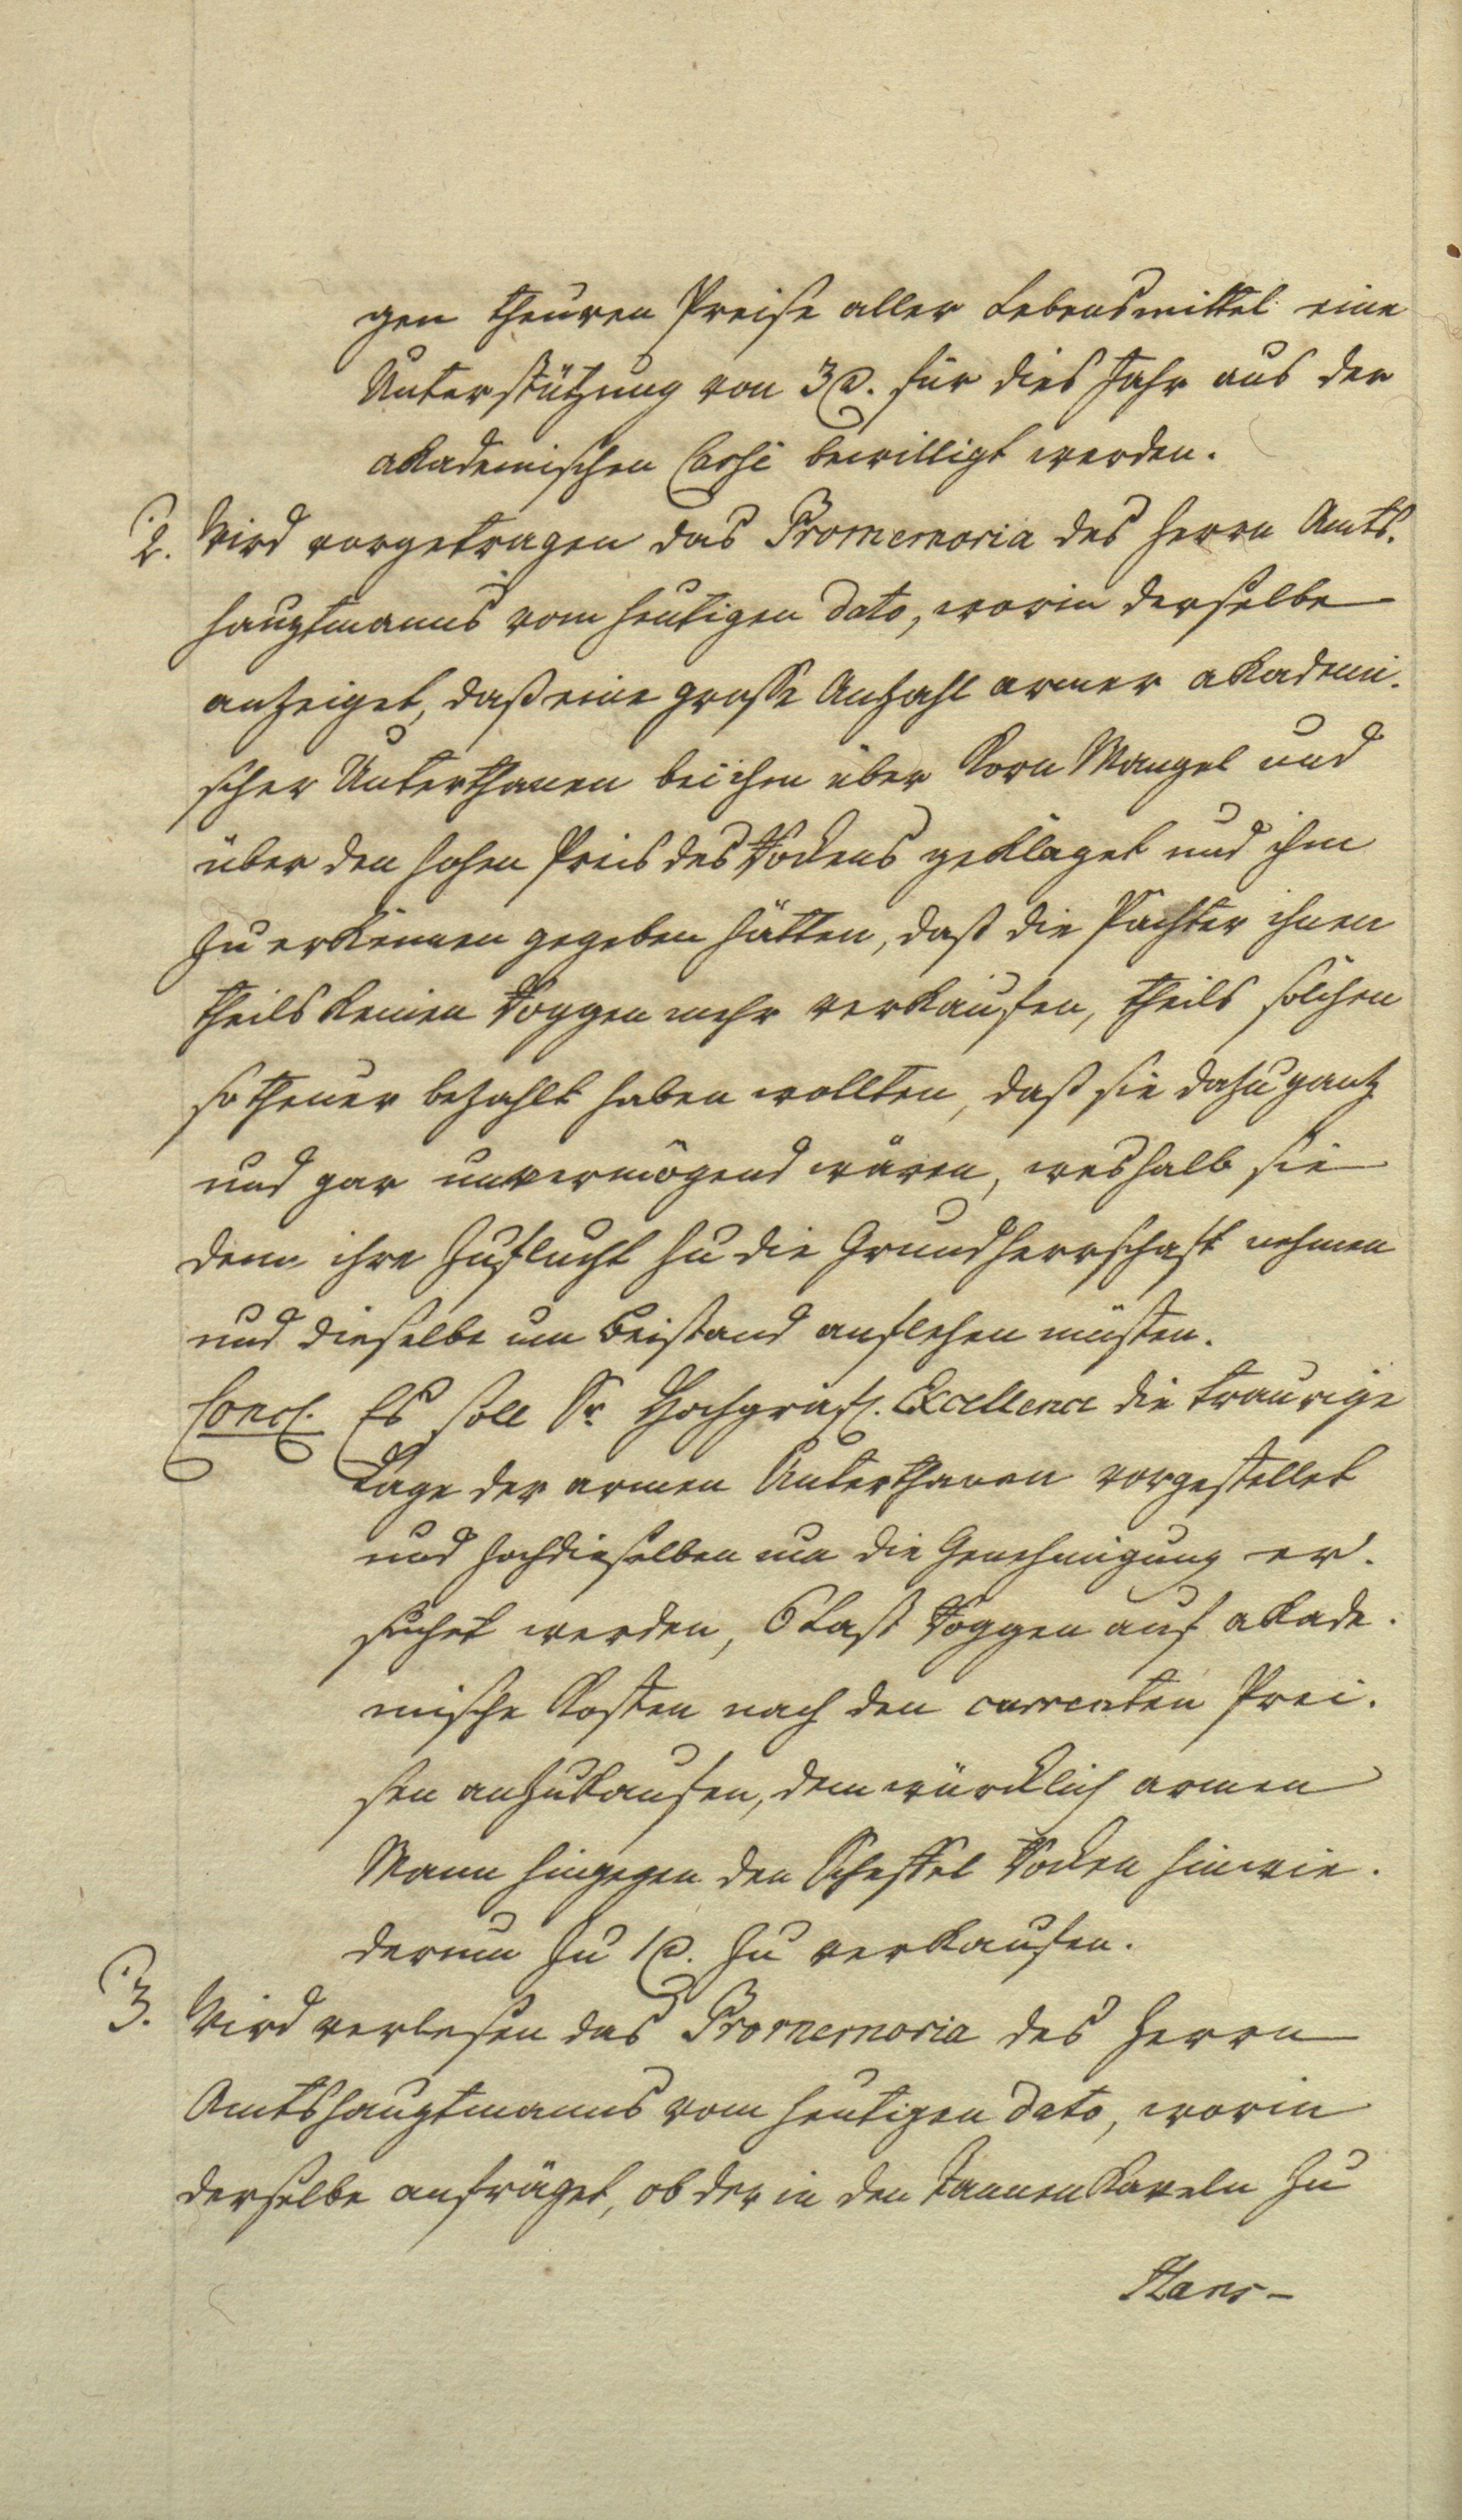gen theuren Preise aller Lebensmittel eine
Unterstützung von 3 l. für dies Jahr aus der
akademischen Casse bewilligt werden.
2. Wird vorgetragen das Promemoria des Herrn Amts¬
hauptmanns vom heutigen dato, worin derselbe
anzeiget, daß eine grosse Anzahl armer akademi¬
scher Unterthanen bei ihm über Korn Mangel und
über den hohen Preis des Rockens geklaget und ihm
zu erkennen gegeben hätten, daß die Pächter ihnen
theils keinen Roggen mehr verkaufen, theils solchen
so theuer bezahlt haben wollten, daß sie dazu gantz
und gar unvermögend wären, weshalb sie
denn ihre Zuflucht zu die Grundherrschaft nehmen
und dieselbe um Beistand anflehen müßten.
Concl. Es soll Sr Hochgräfl. Excellence die traurige
Lage der armen Unterthanen vorgestellet
und Hochdieselben um die Genehmigung er¬
suchet werden, 6 Last Roggen auf akade¬
mische Kosten nach den currenten Prei¬
sen anzukaufen, dem würcklich armen
Mann hingegen den Scheffel Rocken hinwie¬
derum zu 1 l. zu verkaufen.
3. Wird verlesen das Promemoria des Herrn
Amtshauptmanns vom heutigen dato, worin
derselbe anfräget, ob der in den Tannenkaveln zu
Hans-